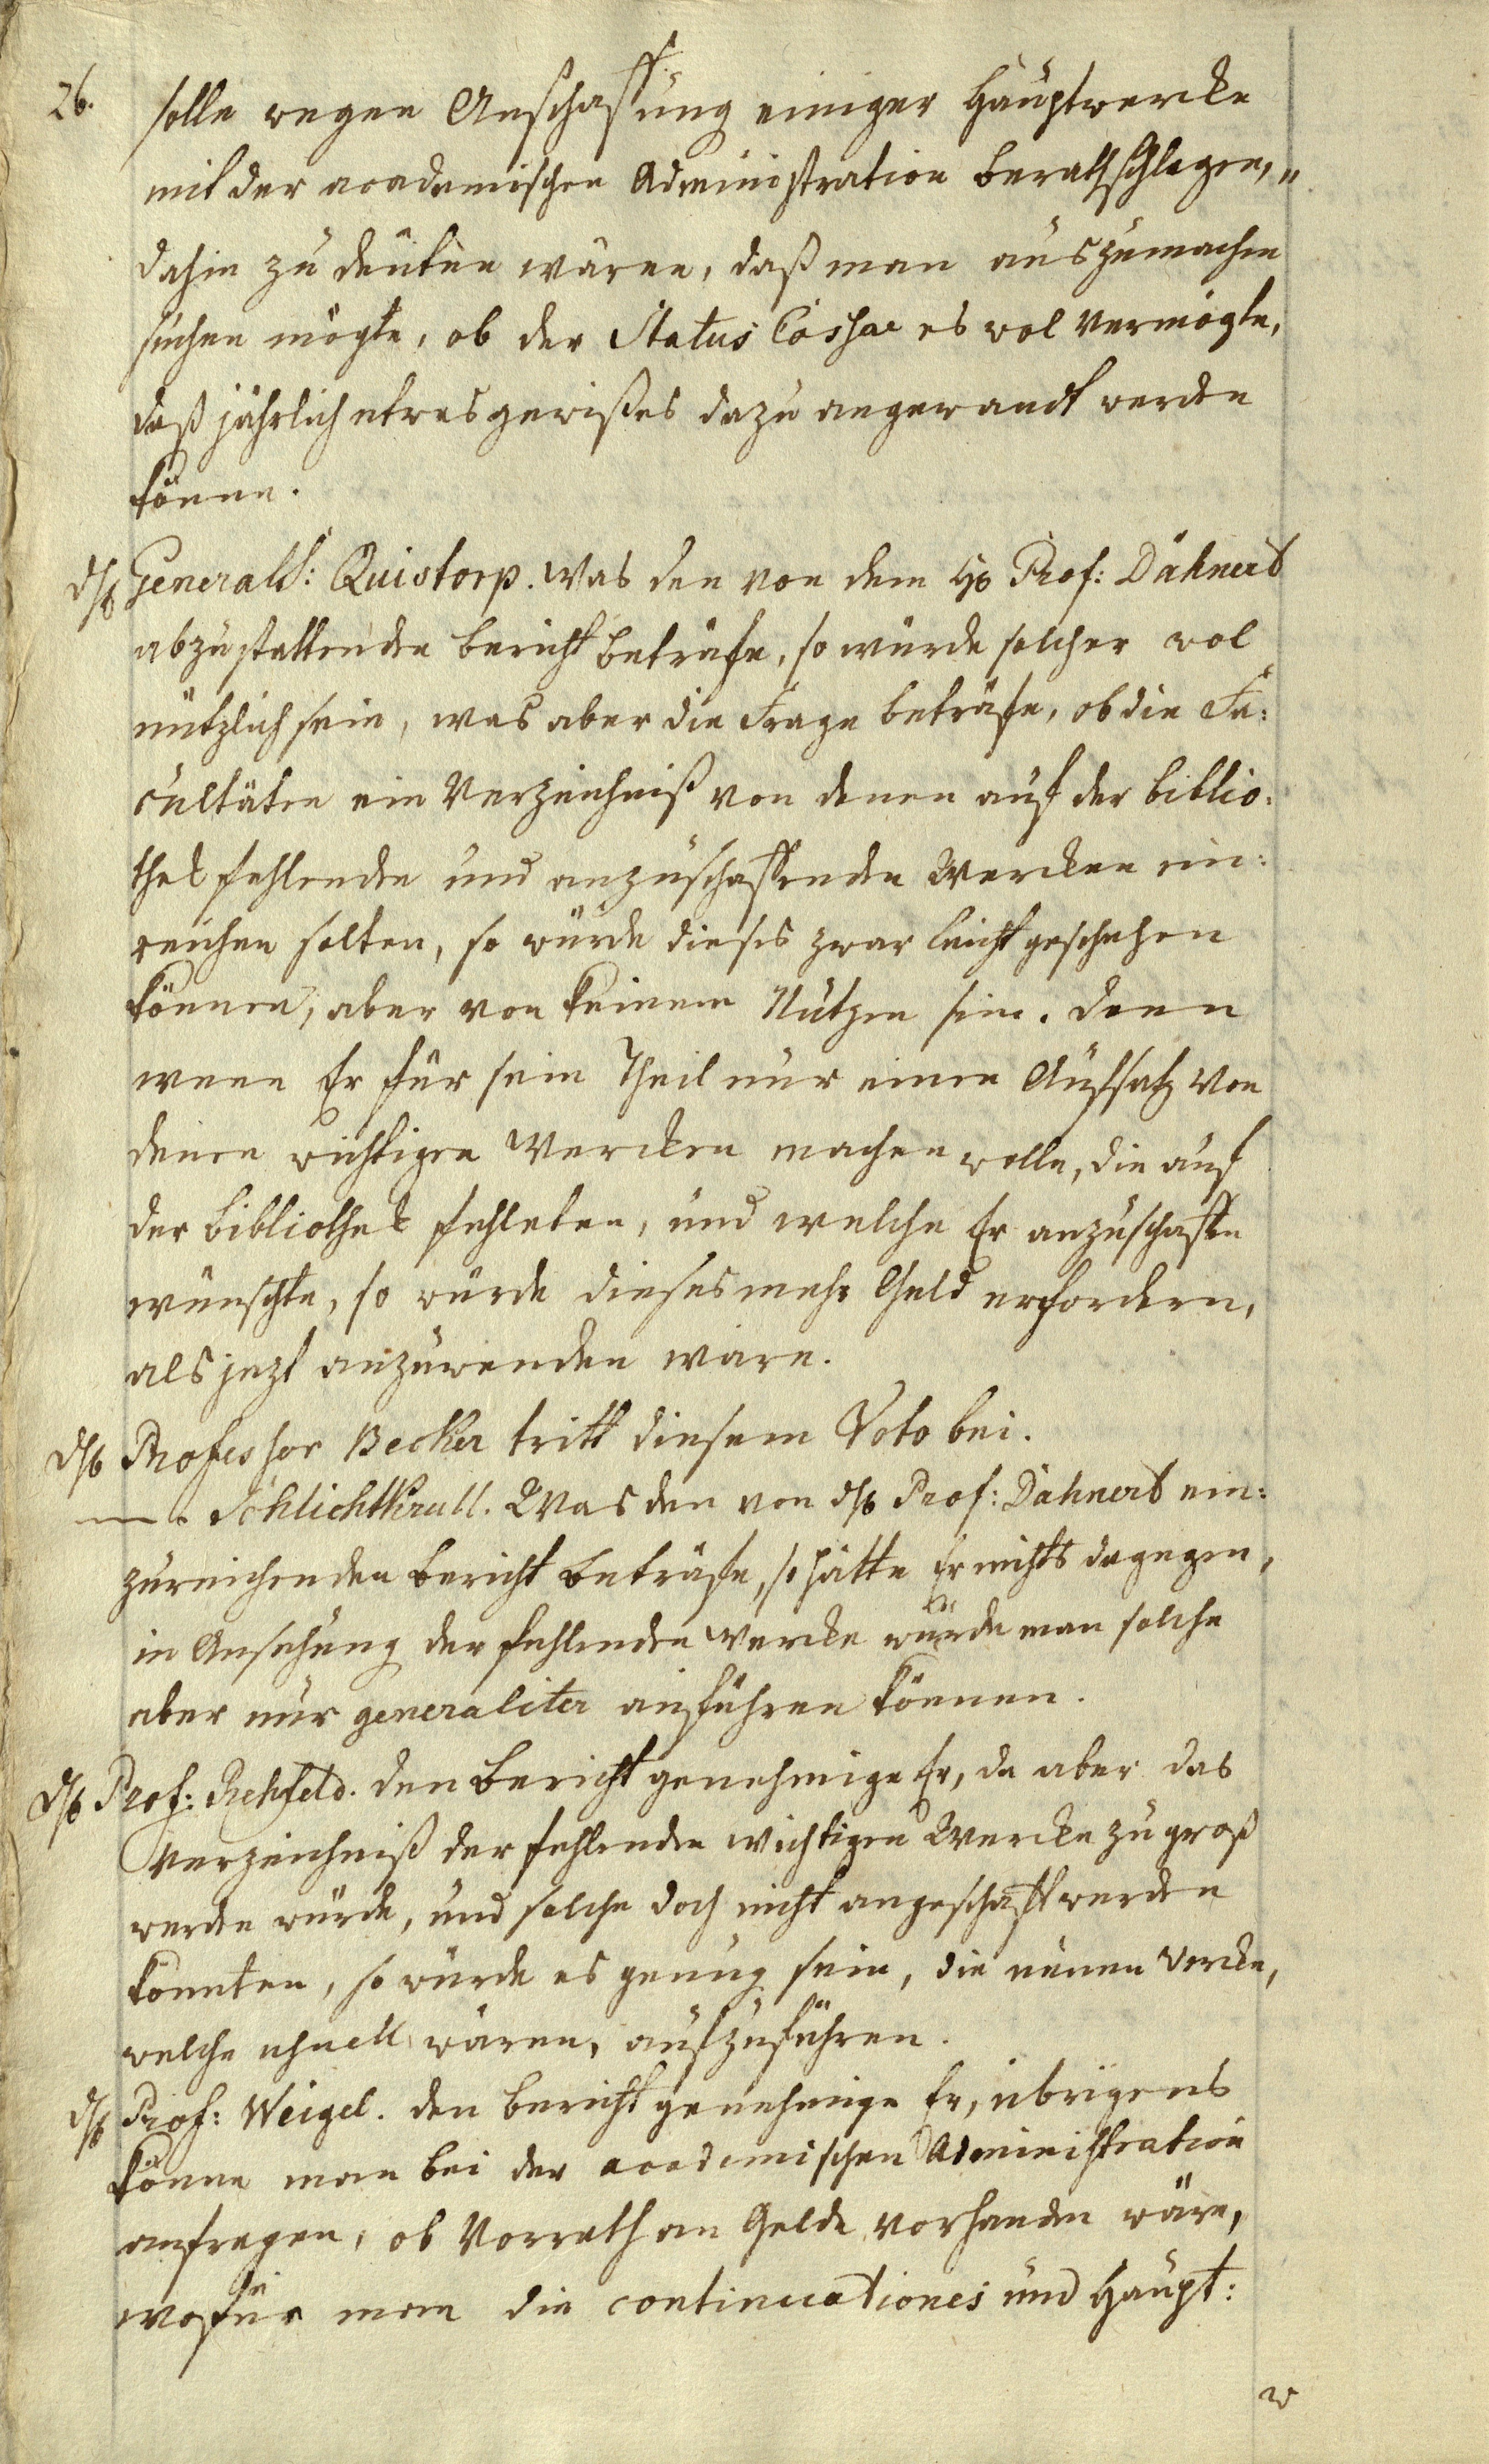solle wegen Anschaffung einiger Hauptwercke
mit der academischen Administration berathschlagen, "
dahin zu deuten wären, daß man auszumachen
suchen mögte, ob der Status Cassae es wol vermögte,
daß jährlich etwas gewißes dazu angewandt werden
könne.
dh GeneralS: Quistorp. Was den von dem H Prof. Dähnert
abzustattenden Bericht beträfe, so würde solcher wol
nützlich sein, was aber die Frage beträfe, ob die Fa¬
cultäten ein Verzeichniß von denen auf der biblio¬
thek fehlenden und anzuschaffenden Wercken ein¬
reichen solten, so würde dieses zwar leicht geschehen
können, aber von keinem Nutzen sein, denn
wenn Er für sein Theil nur einen Aufsatz von
denen wichtigen Wercken machen wolle, die auf
der Bibliothek fehleten, und welche Er anzuschaffen
wünschte, so würde dieses mehr Geld erfordern,
als jezt anzuwenden wäre.
dh Professor Becker tritt diesem Voto bei.
Schlichtkrull. Was den von dh Prof. Dähnert ein¬
zureichenden Bericht beträfe, so hätte Er nichts dagegen,
in Ansehung der fehlenden Wercke würde man solche
aber nur generaliter einführen können.
dh Prof: Rehfeld. den Bericht genehmige Er, da aber das
Verzeichniß der fehlenden wichtigen Wercke zu groß
werden würde, und solche doch nicht angeschaft werden
könnten, so würde es genug sein, die neuen Wercke,
welche nhnett wären, aufzuführen.
dh Prof: Weigel. den Bericht genehmige Er, übrigens
könne man bei der academischen Administration
anfragen, ob Vorrath an Gelde vorhanden wäre,
wofür man die continuationes und Haupt